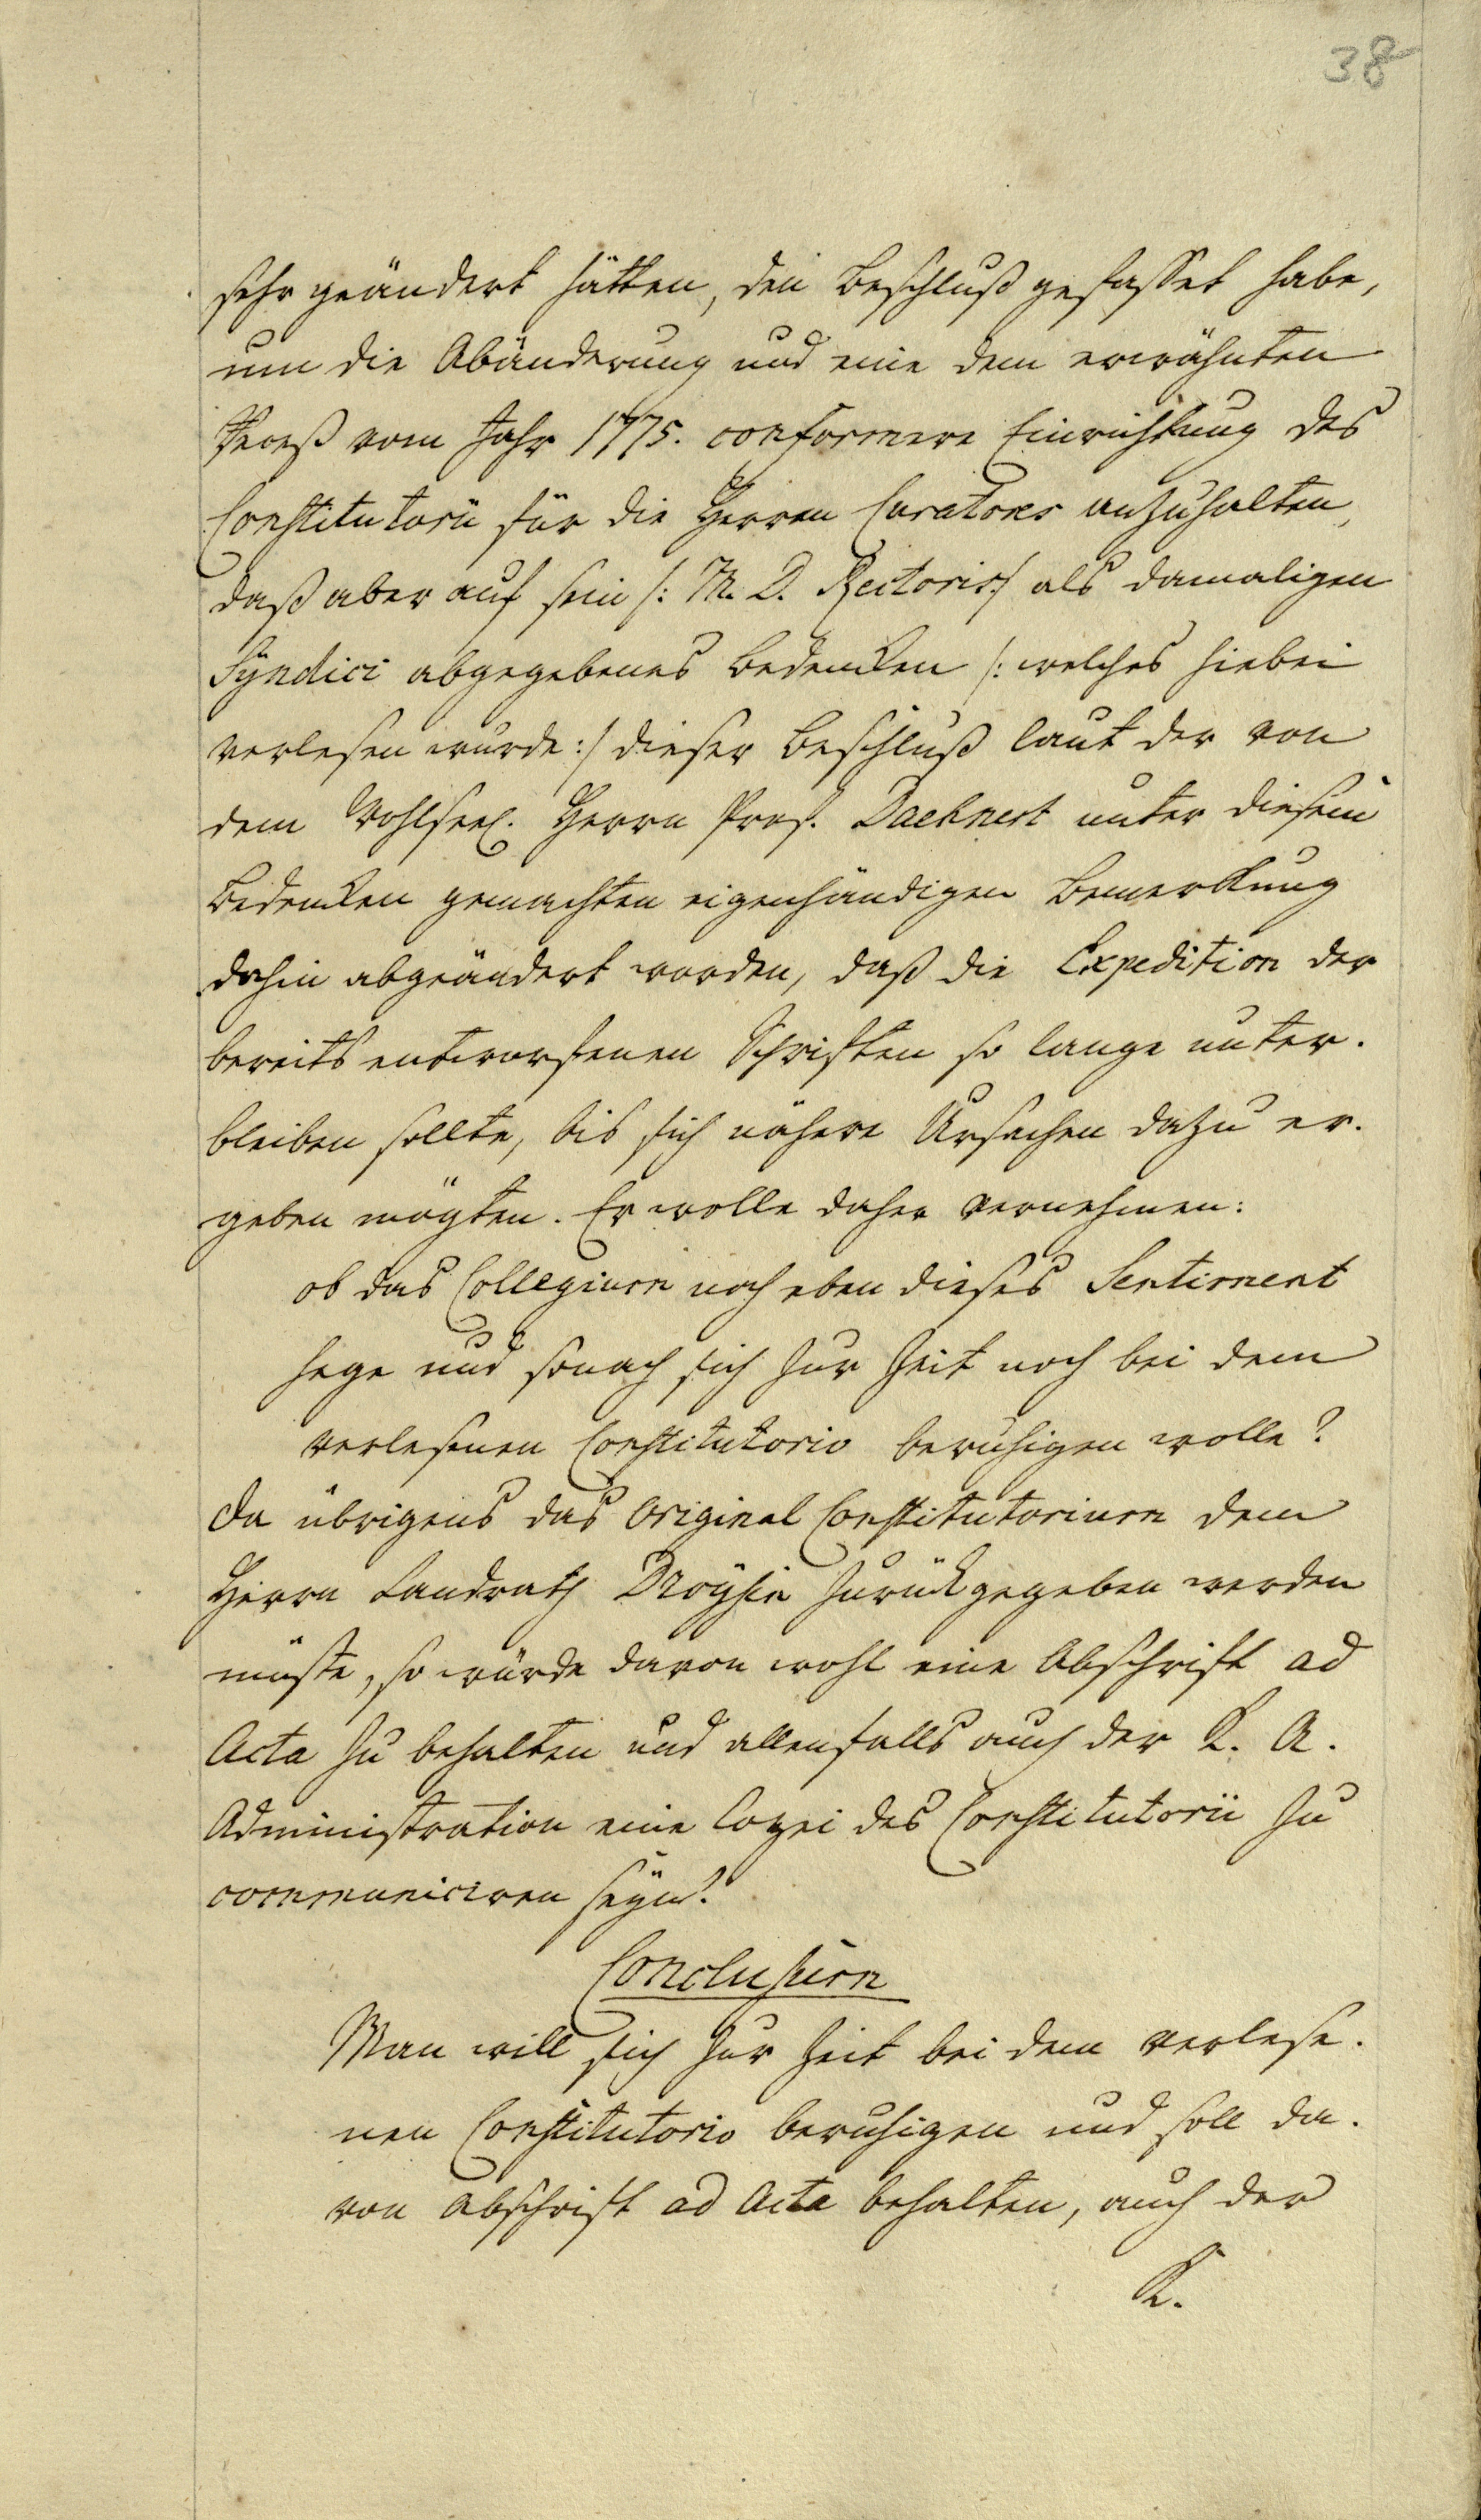sehr geändert hätten, den Beschluß gefasset habe,
nun die Abänderung und eine dem erwähnten
Receß vom Jahr 1775. conformere Einrichtung des
Constitutorii für die Herren Curatores anzuhalten,
daß aber auf sein /: M. D. Rectoris :/ als damaligen
Sÿndici abgegebenes Bedenken /: welches hiebei
verlesen wurde :/ dieser Beschluß laut der von
dem Wohlseel. Herrn Prof. Daehnert unter diesem
Bedenken gemachten eigenhändigen Bemerkung
dahin abgeändert worden, daß die Expedition der
bereits entworfenen Schriften so lange unter¬
bleiben sollte, bis sich nähere Ursachen dazu er¬
geben mögten. Er wolle daher vernehmen:
ob das Collegium noch eben dieses Sentiment
ge und sonach sich zur Zeit noch bei dem
verlesenen Constitutorio beruhigen wolle?
Da übrigens das Original Constitutorium dem
Herrn Landrath Droÿsen zurückgegeben werden
müßte, so würde davon wohl eine Abschrift ad
Acta zu behalten und allenfalls auch der K. A.
Administration eine Copei des Constitutorii zu
communiciren seÿn?
Conclusum
Man will sich zur Zeit bei dem verlese¬
nen Constitutorio beruhigen und soll da¬
von Abschrift ad Acta behalten, auch der
K.